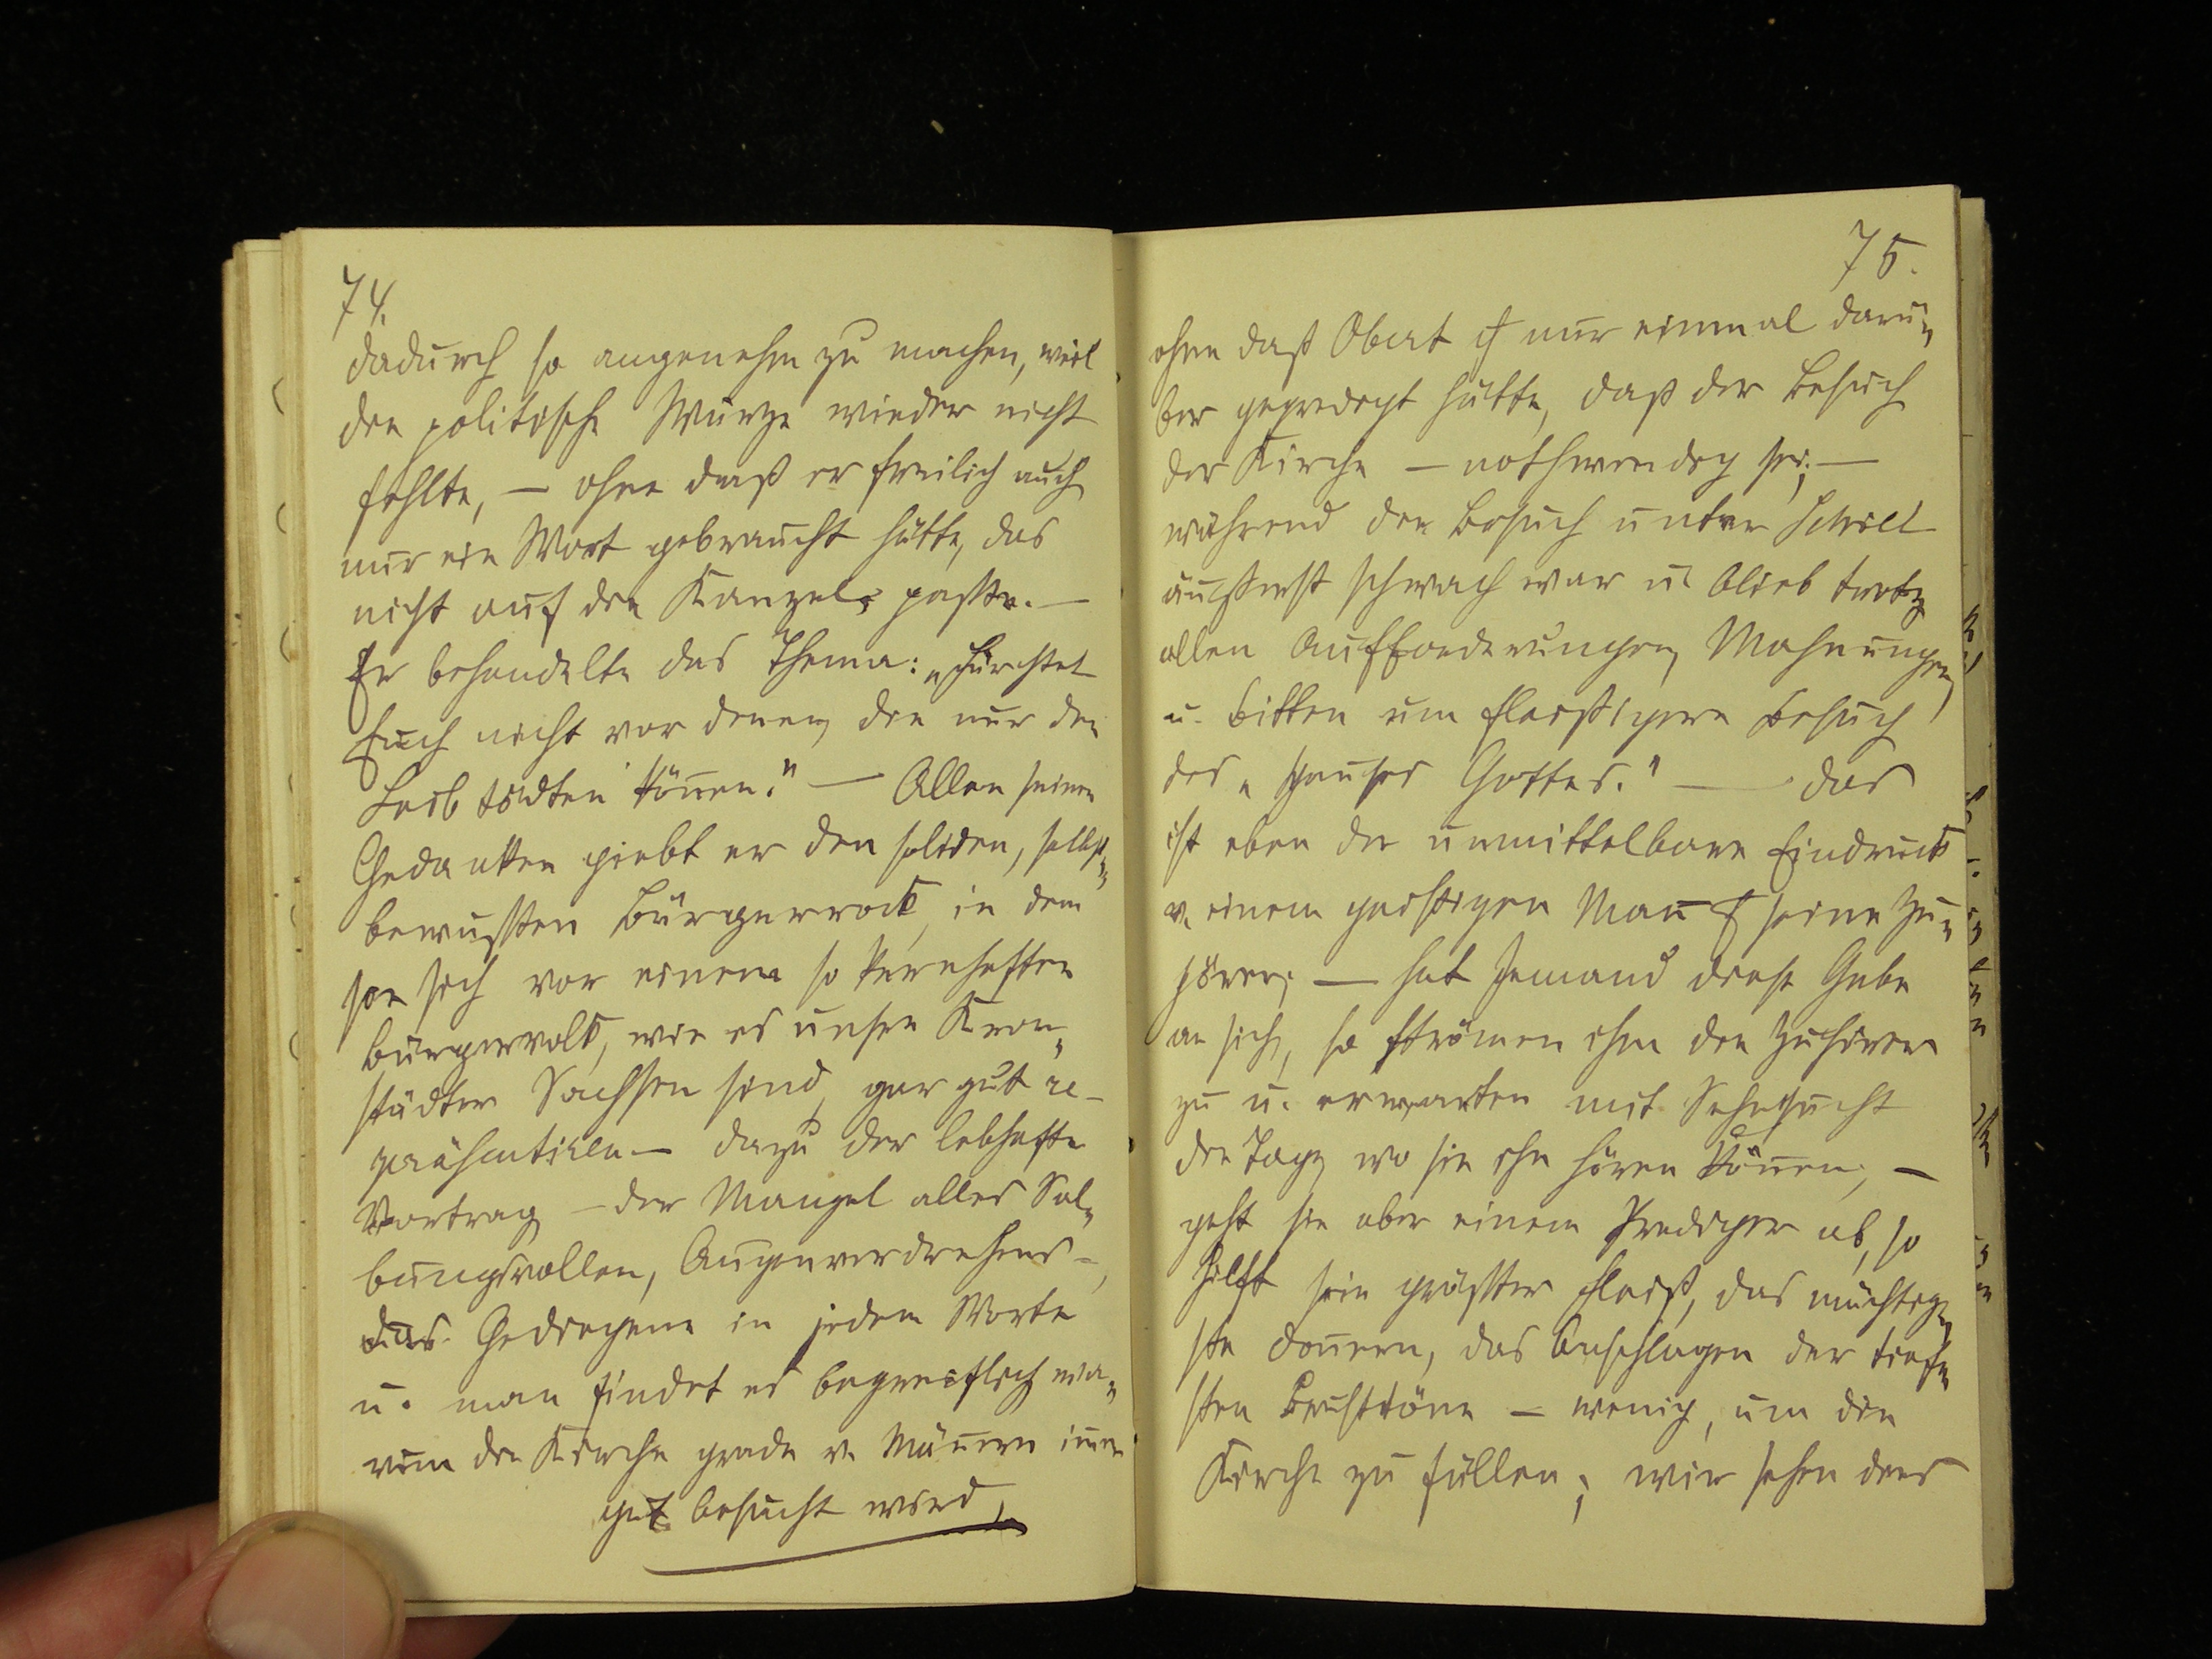74
dadurch so angenehm zu machen, weil
die politische Würze wieder nicht
fehlte,-ohne das er freilich auch
nur ein Wort gebraucht hätte das
nicht auf die Kanzel paßte.-
Er handelte das Thema. „Fürchtet
euch nicht vor denen die nur den
Leib töten können“.-- Allen seinen
Gedanken giebt er den soliden, sel¬
bstbewusten Bürgerrat, in dem
sie sich vor einem so kernhaften
Bürgervolk, wie es unsere Kron¬
städter Sachsen sind, gar gut re¬
präsentieren-- dazu der lebhafte
Vortrag.--Der Mangel aller sal¬
bungsvollen, augenverdrehens,
das Gediegene in jedem Worte
und man findet es begreiflich wa¬
rum die Kirche grade von Männern immer so
gut besucht wird
75
ohne das Obert auch nur einmal darü¬
ber gepredigt hätte, daß der Besuch
der Kirche-notwendig sei.-
während der Besuch unter Schiel
äußerst schwach war und blieb, trotz
allen Aufforderungen, Mahnungen
und Bitten um fleißigen Besuch
des !“ Hauses Gottes“.-Das
ist eben der unmittelbare Eindruck
von einem garstigen Mann auf seine Zu¬
hörer.- Hat Jemand diese Gabe
an sich, so strömen ihm die Zuhörer
zu und erwarten mit Sehnsuch auf
den Tag, wo sie ihn hören können.-
geht sie aber einen Prediger ab, so
hilft sein größter Fleiß, das mächtig¬
ste Donnern, das Anschlagen der tief¬
sten Brusttöne- wenig, um die
Kirche zu füllen; wir sehen dies---